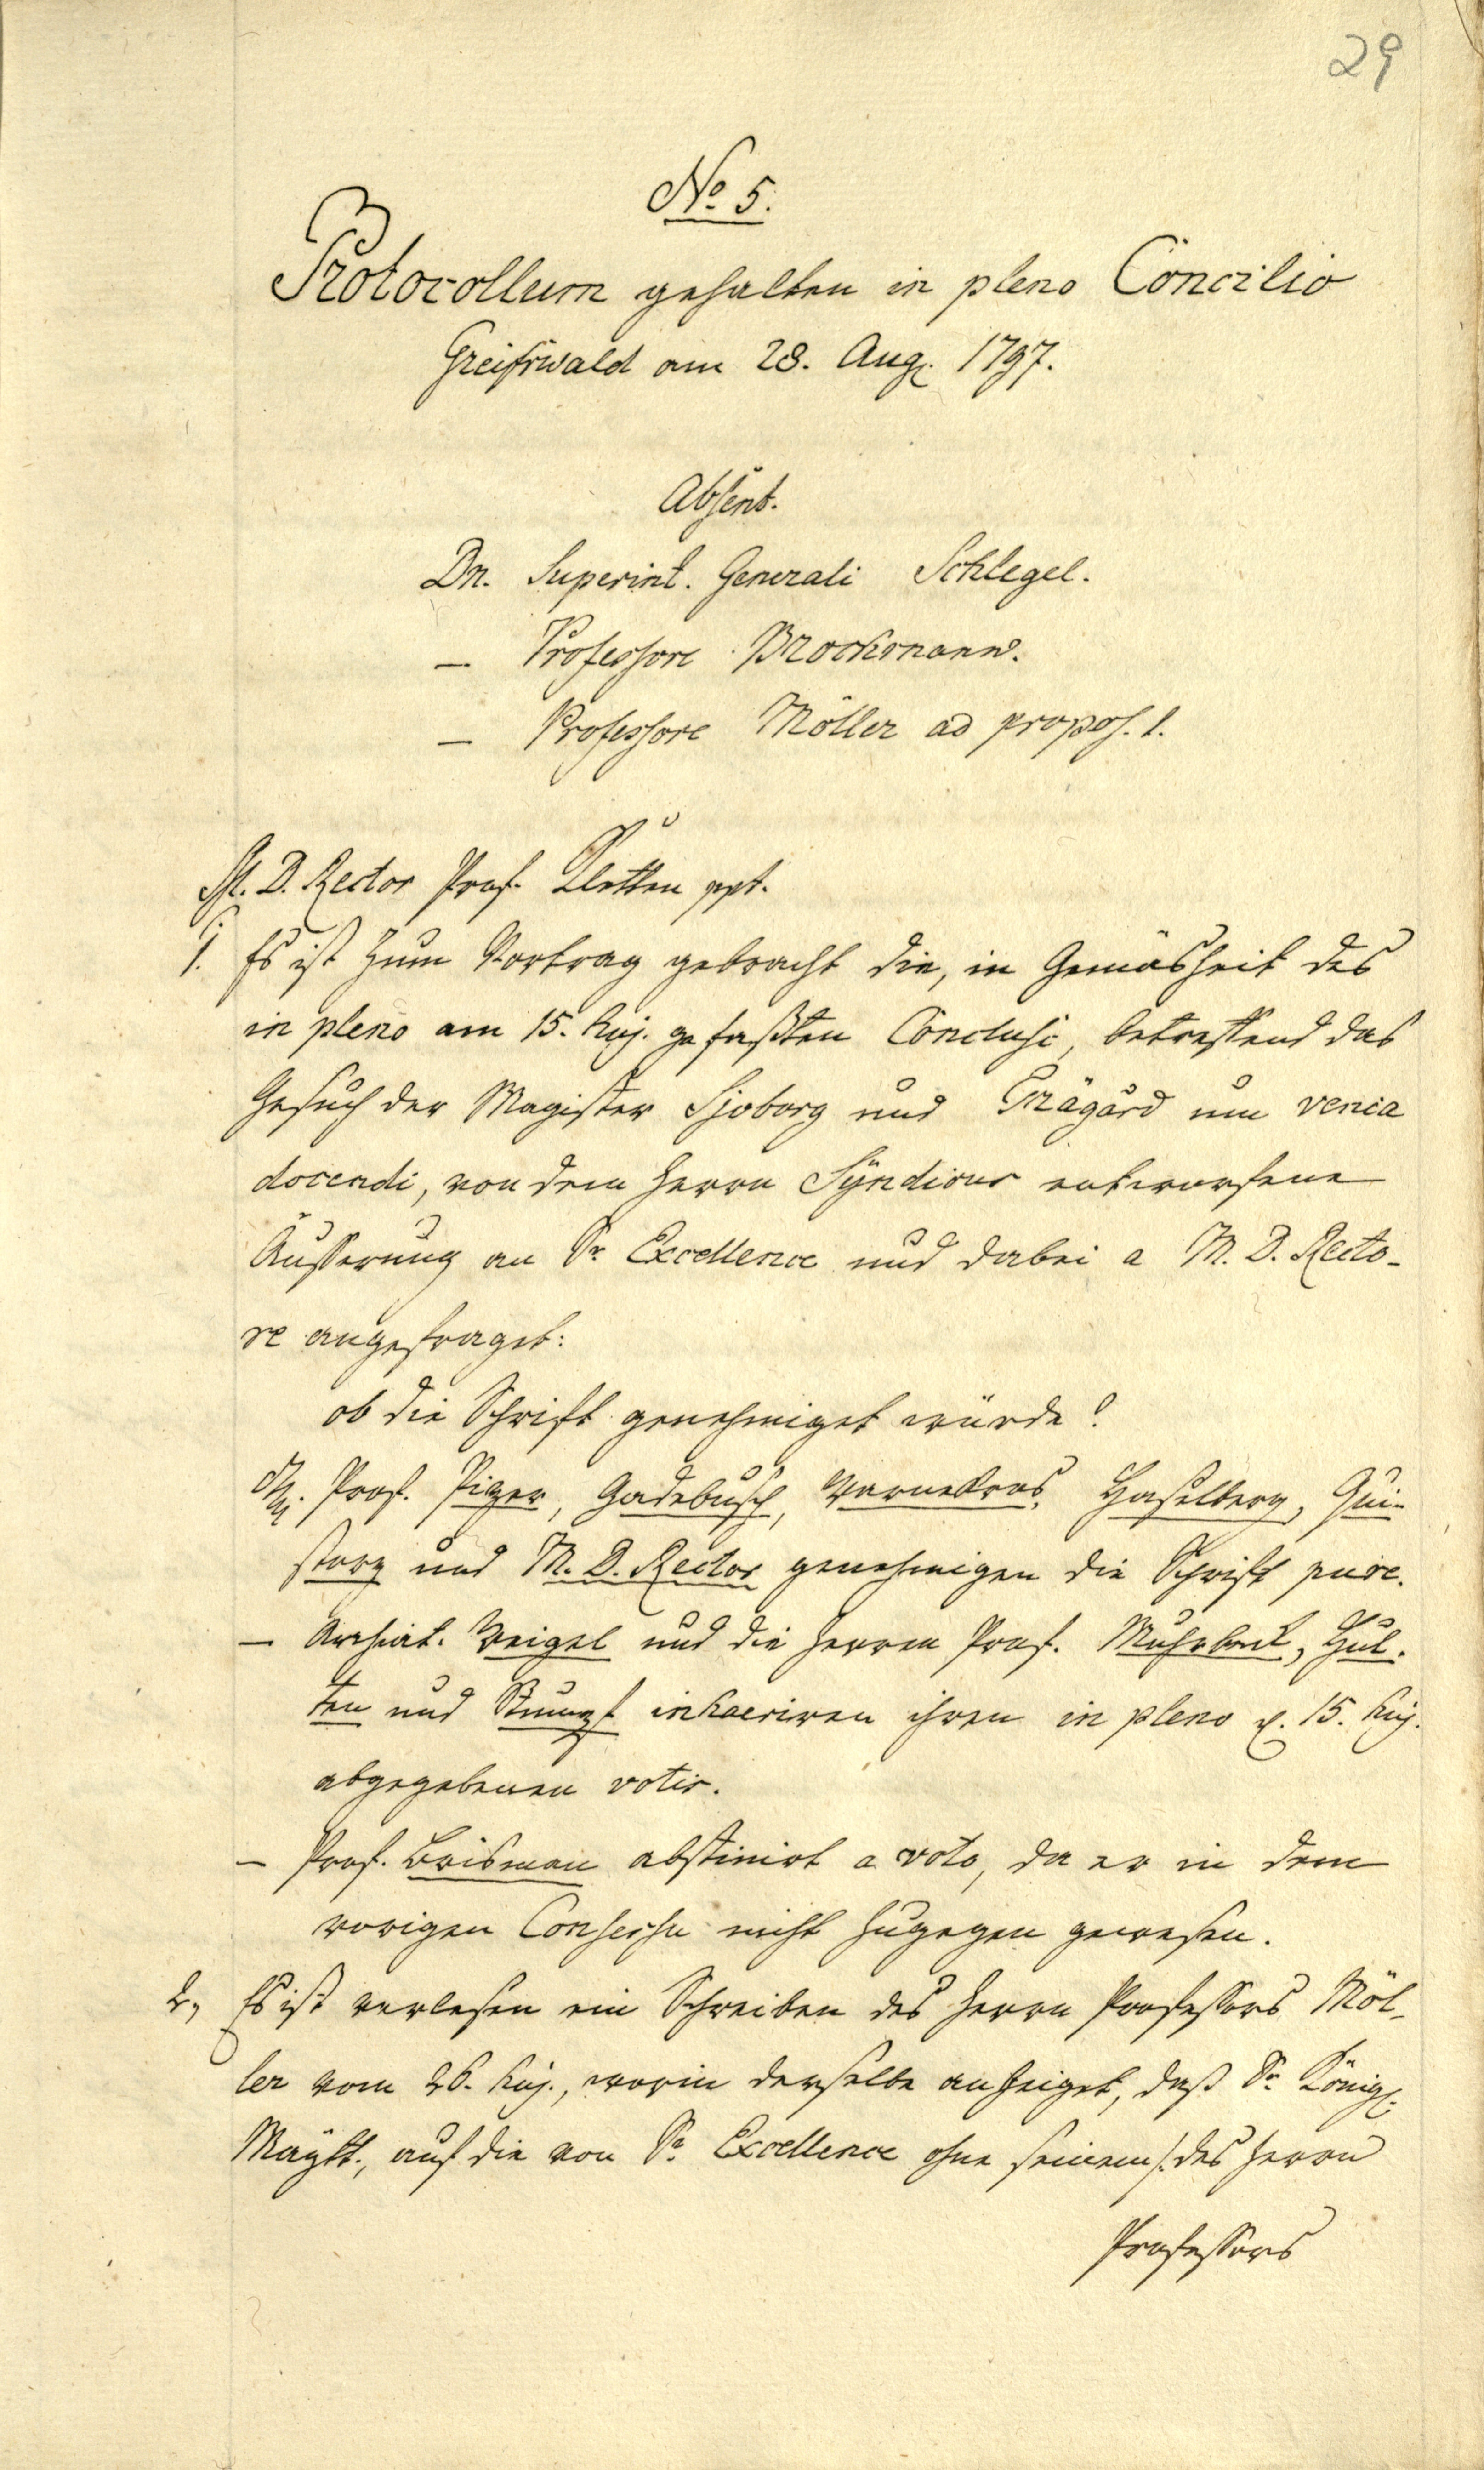Nº 5.
Protocollum gehalten in pleno Concilio
Greifswald am 28. Aug. 1797.
Absent.
Dn. Superint. Generali Schlegel
Professore Brockmann.
Professore Möller ad propos. 1.
M. D. Rector Prof. Kletten ppt.
1., Es ist zum Vortrag gebracht die, in Gemäsheit des
in pleno am 15. huj. gefaßten Conclusi, betreffend das
Gesuch der Magister Sjöborg und Trägård um venia
docendi, von dem herrn Sÿndicus entworfene
Äusserung an Sr. Excellence und dabei a M. D. Recto¬
re angefraget:
ob die Schrift genehmiget würde!
dh. Prof. Piper, Gadebusch, Warnekros, Haselberg,Qui¬
storp und M. D. Rector genehmigen die Schrift pure.
Archiat. Weigel und die herren Prof. Muhrbeck, Hul¬
tèn und Stumpf inhaeriren ihren in pleno v. 15. huj.
abgegebenen votis.
Prof. Brisman abstinirt a voto, da er in dem
vorigen Consessu nicht zugegen gewesen.
2., Es ist verlesen ein Schreiben des herrn Professors Möl¬
ler vom 26. huj., worin derselbe anzeiget, daß Sr. Königl.
Maÿtt., auf die von Sr. Excellence ohne seinem / des herrn
Professors